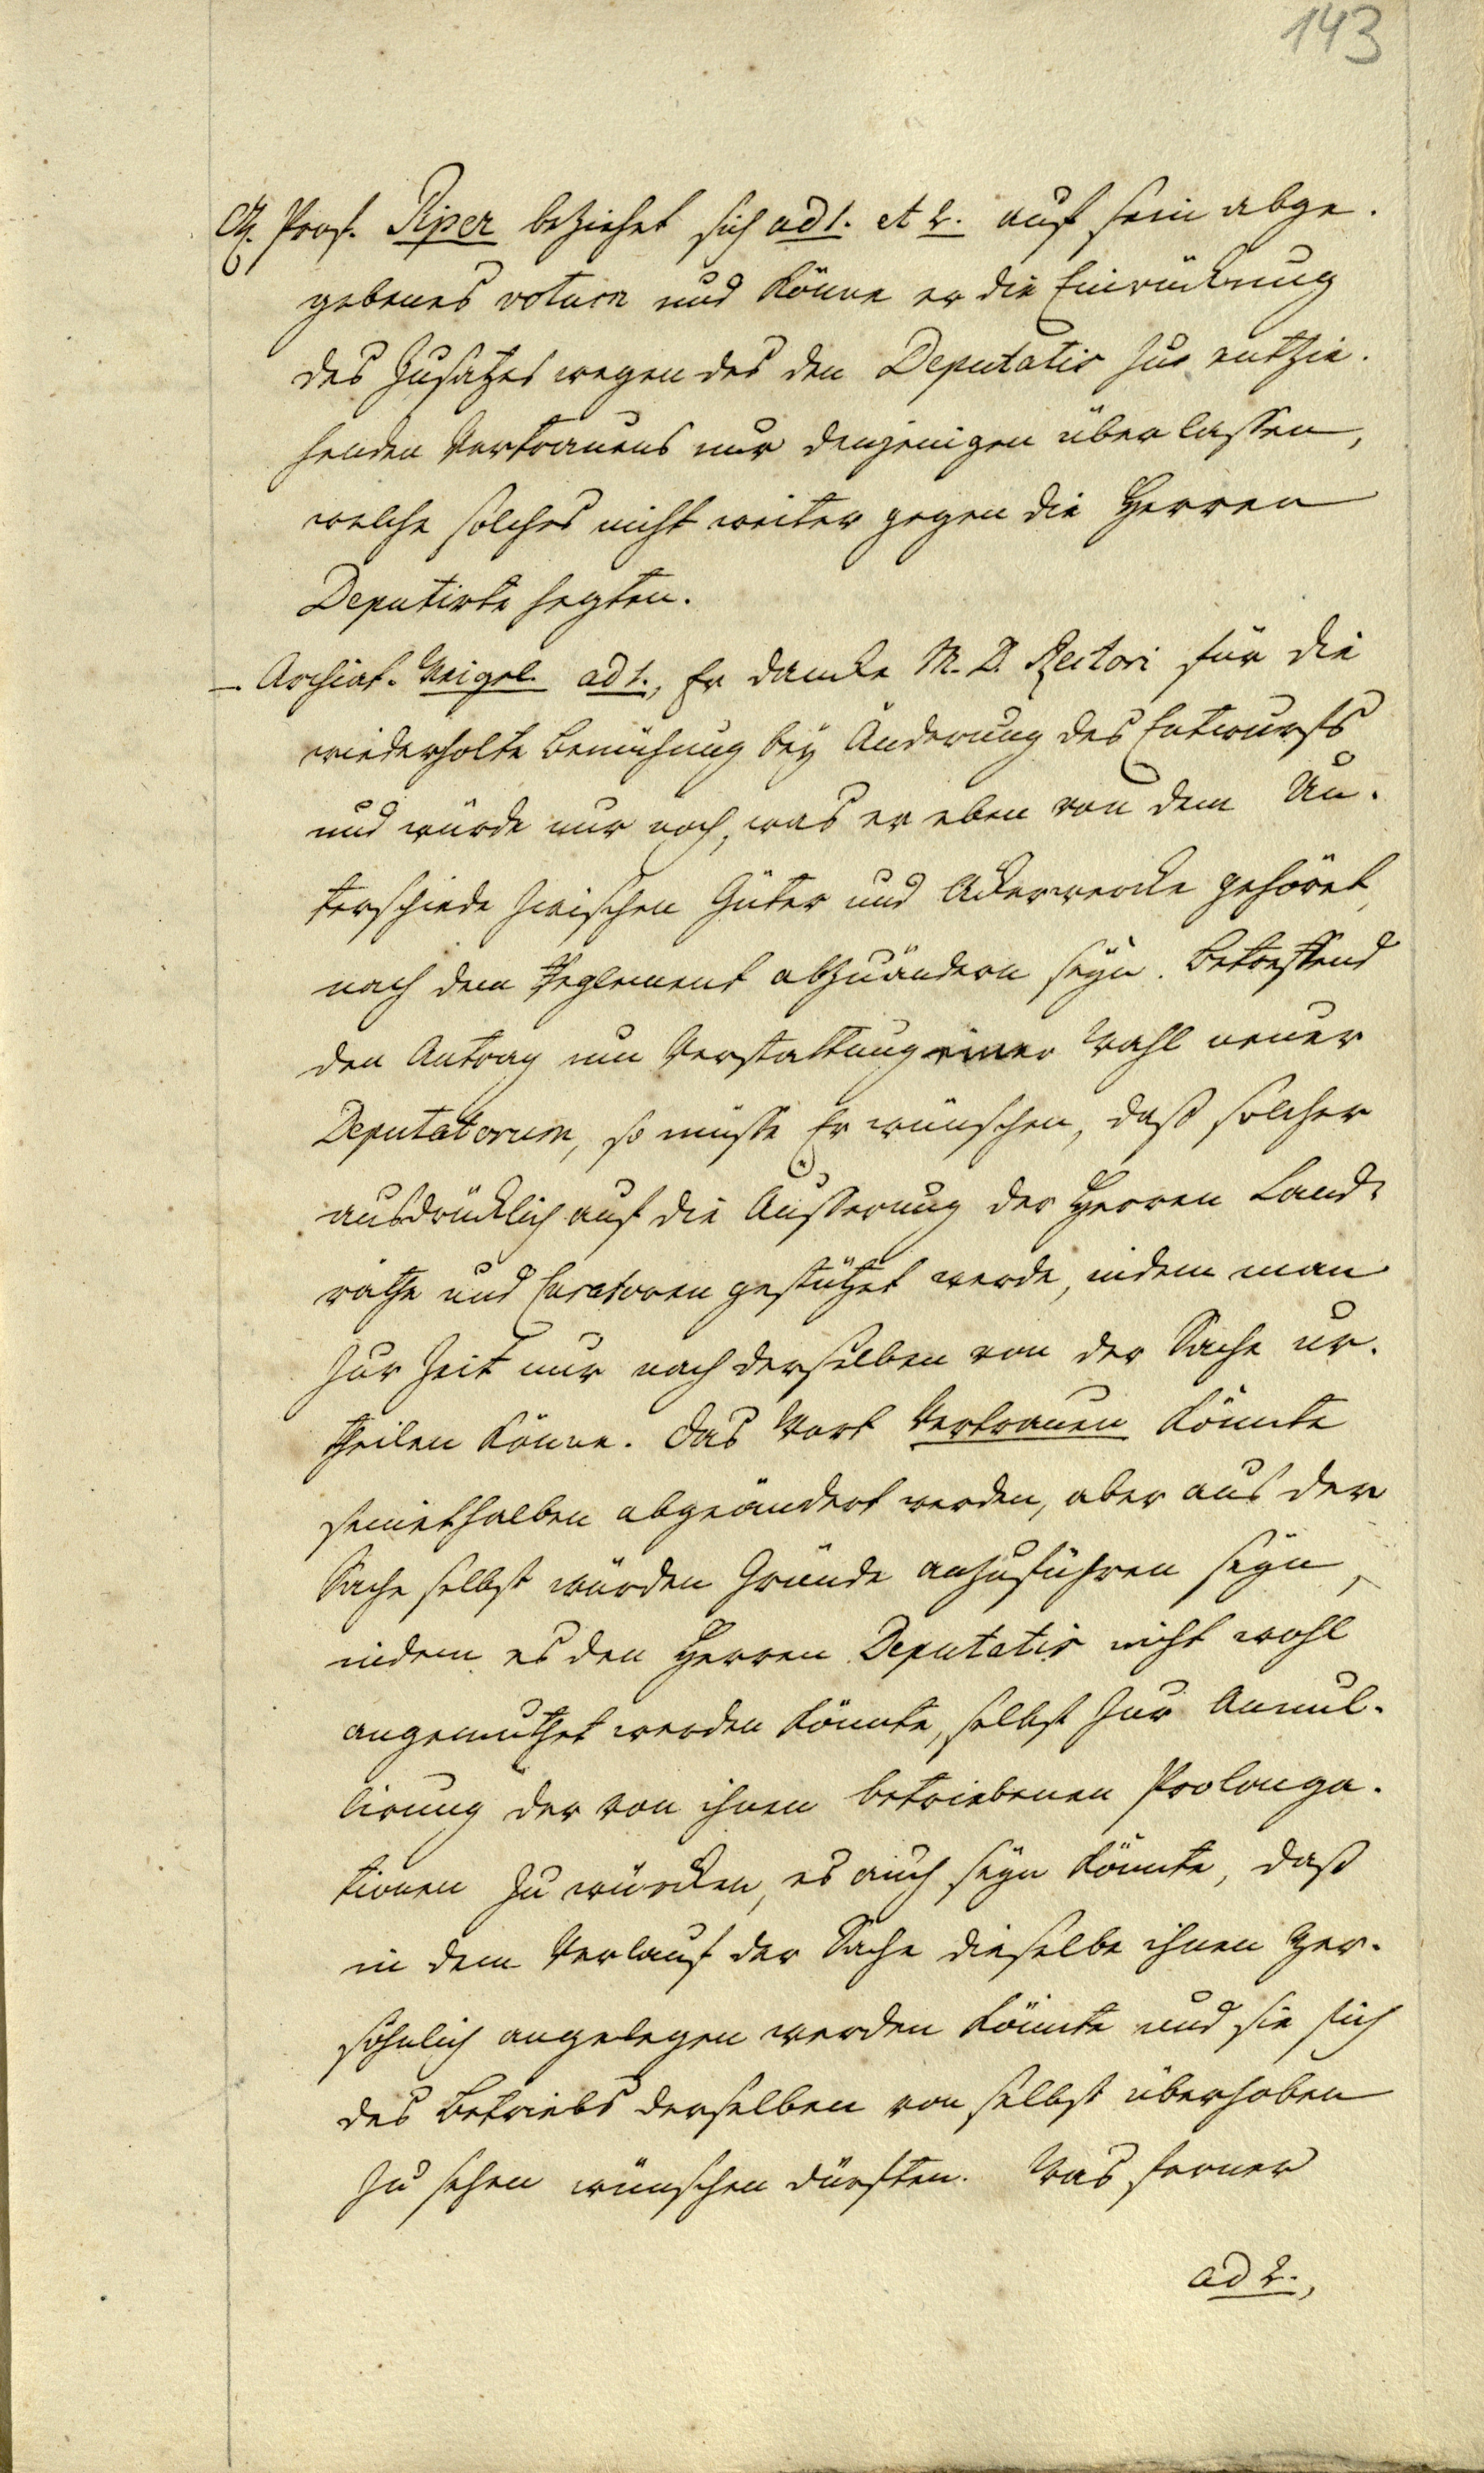dh. Prof. Piper beziehet sich ad 1. et 2. auf sein abge¬
gebenes votum und könne er die Einrückung
des Zusatzes wegen des den Deputatis zu entzie¬
henden Vertrauens nur denjenigen überlassen,
welche solches nicht weiter gegen die Herren
Deputirte hegten.
Archiat. Weigel ad 1., Er dancke M. D. Rectori für die
wiederholte Bemühung beÿ Änderung des Entwurfs
und würde nur noch, was er eben von dem Un¬
terschiede zwischen Güter und Ackerwercke gehöret,
nach dem Reglement abzuändern seÿn betreffend
den Antrag um Verstattung einer Wahl neuer
Deputatorum, so müsse Er wünschen, daß solcher
ausdrücklich auf die Äusserung der Herren Land¬
räthe und Curatoren gestützet werde, indem man
zur Zeit nur nach derselben von der Sache ur¬
theilen könne. Das Wort Vertrauen könnte
seinethalben abgeändert werden, aber aus der
Sache selbst würden Gründe anzuführen seÿn,
indem es den Herren Deputatis nicht wohl
angemuthet werden könnte, selbst zur Annul¬
lirung der von ihnen betriebenen Prolonga¬
tionen zu würcken, es auch seÿn könnte, daß
in dem Verlauf der Sache dieselbe ihnen per¬
söhnlich angelegen werden könnte und sie sich
des Betriels derselben von selbst überhoben
zu sehen wünschen dürften. Was ferner
ad 2.,